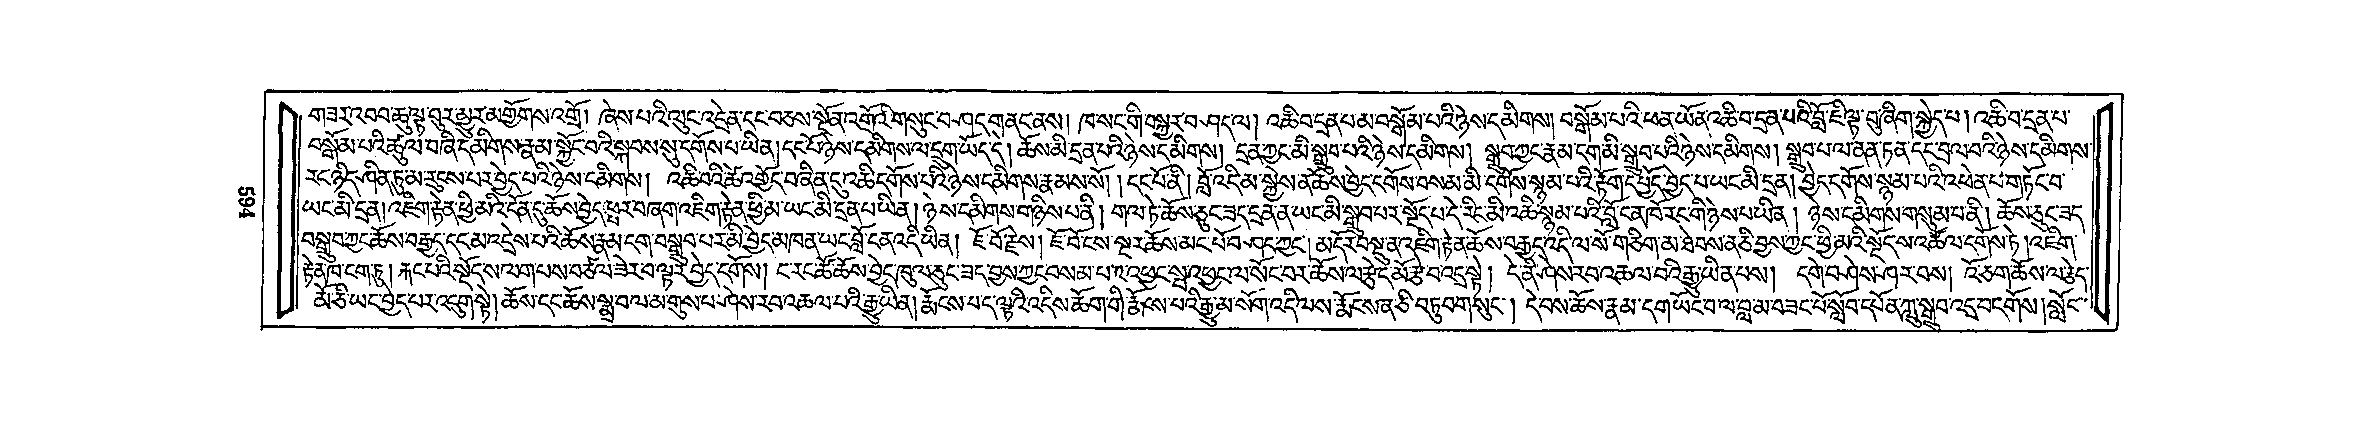གཟར་འབབ་ཆུ་ལྟ་བུར་མྱུར་མགྱོགས་འགྲོ་།ཞེས་པའི་ལུང་འདྲེན་དང་བཅས་སྔོན་འགྲོའི་གསུང་བཤད་གནང་ནས། ཁ་སང་གི་བསྐྱར་བཤད་ལ། འཆི་བ་དྲན་པ་མ་བསྒོམ་པའི་ཉེས་དམིགས། བསྒོམ་པའི་ཕན་ཡོན་འཆི་བ་དྲན་པའི་བློ་ཇི་ལྟ་བུ་ཞིག་སྐྱེད་པ། འཆི་བ་དྲན་པ་
བསྒོམ་པའི་ཚུལ་བཞི་དམིགས་རྣམ་སྐྱོང་བའི་སྐབས་སུ་དགོས་པ་ཡིན། དང་པོ་ཉེས་དམིགས་ལ་དྲུག་ཡོད་དེ། ཆོས་མི་དྲན་པའི་ཉེས་དམིགས། དྲན་ཀྱང་མི་སྒྲུབ་པའི་ཉེས་དམིགས། སྒྲུབ་ཀྱང་རྣམ་དག་མི་སྒྲུབ་པའི་ཉེས་དམིགས། སྒྲུབ་པ་ལ་ནན་ཏན་དང་བྲལ་བའི་ཉེས་དམིགས་
རང་ཉིད་ཤིན་ཏུ་མ་རུངས་པར་བྱེད་པའི་ཉེས་དམིགས། འཆི་བའི་ཚེ་འགྱོད་བཞིན་དུ་འཆི་དགོས་པའི་ཉེས་དམིགས་རྣམས་སོ། །དང་པོ་ནི། བློ་འདི་མ་སྐྱེས་ན་ཆོས་བྱེད་དགོས་བསམ་མི་དགོས་སྙམ་པའི་རྟོག་དཔྱོད་བྱེད་པ་ཡང་མི་དྲན། བྱེད་དགོས་སྙམ་པའི་འཕེན་པ་གཏོང་བ་
ཡང་མི་དྲན། འཇིག་རྟེན་ཕྱི་མའི་དོན་དུ་ཆོས་བྱེད་པ་ཕར་བཞག་འཇིག་རྟེན་ཕྱི་མ་ཡང་མི་དྲན་པ་ཡིན། ཉེས་དམིགས་གཉིས་པ་ནི། གལ་ཏེ་ཆོས་ཅུང་ཟད་དྲན་ན་ཡང་མི་སྒྲུབ་པར་སྡོད་པ་དེ་རིང་མི་འཆི་སྙམ་པའི་བློ་ངན་ཁོ་རང་གི་ཉེས་པ་ཡིན། ཉེས་དམིགས་གསུམ་པ་ནི། ཆོས་ཅུང་ཟད་
བསྒྲུབ་ཀྱང་ཆོས་བརྒྱད་དང་མ་འདྲེས་པའི་ཆོས་རྣམ་དག་བསྒྲུབ་པར་མི་བྱེད་མཁན་ཡང་བློ་ངན་འདི་ཡིན། ཇོ་བོ་རྗེས། ཇོ་བོ་ངས་སྔར་ཆོས་མང་པོ་བཤད་ཀྱང་། མདོར་བསྡུ་ན་འཇིག་རྟེན་ཆོས་བརྒྱད་འདི་ལ་སོ་གཅིག་མ་ཐེབས་ན་ཅི་བྱས་ཀྱང་ཕྱི་མའི་སྡོད་ས་འཚོལ་དགོས་ཏེ། འཇིག་
རྟེན་ཁ་ངག་ཏུ། རྐང་པའི་སྡོད་ས་ལག་པས་བཙལ་ཟེར་བ་ལྟར་བྱེད་དགོས། ང་རང་ཚོ་ཆོས་བྱེད་ཁུལ་ཅུང་ཟད་བྱས་ཀྱང་བསམ་པ་འཕྱང་སྦ་འཕྱང་ལ་སོང་བར་ཆོས་ལ་རྩེད་མོ་རྩེ་བ་འདྲ་སྟེ། དེ་ནི་ཤེས་རབ་འཆལ་བའི་རྒྱུ་ཡིན་པས། དགེ་བཤེས་ཤར་བས། འོ་ཅག་ཆོས་ལ་རྩེད་
མོ་ཅི་ཡང་བྱེད་པར་འདུག་སྟེ། ཆོས་དང་ཆོས་སྨྲ་བ་ལ་མ་གུས་པ་ཤེས་རབ་འཆལ་པའི་རྒྱུ་ཡིན། རྨོངས་པ་ད་ལྟའི་འདིས་ཆོག་གི་རྨོངས་པའི་རྒྱུ་མ་སོག་འདི་ལས་རྨོངས་ན་ཅི་བཏུབ་གསུང་། དེ་བས་ཆོས་རྣམ་དག་ཡོང་བ་ལ་བླ་མ་བཟང་པོ་སློབ་དཔོན་ཀླུ་སྒྲུབ་འདྲ་བ་དགོས། སློང་